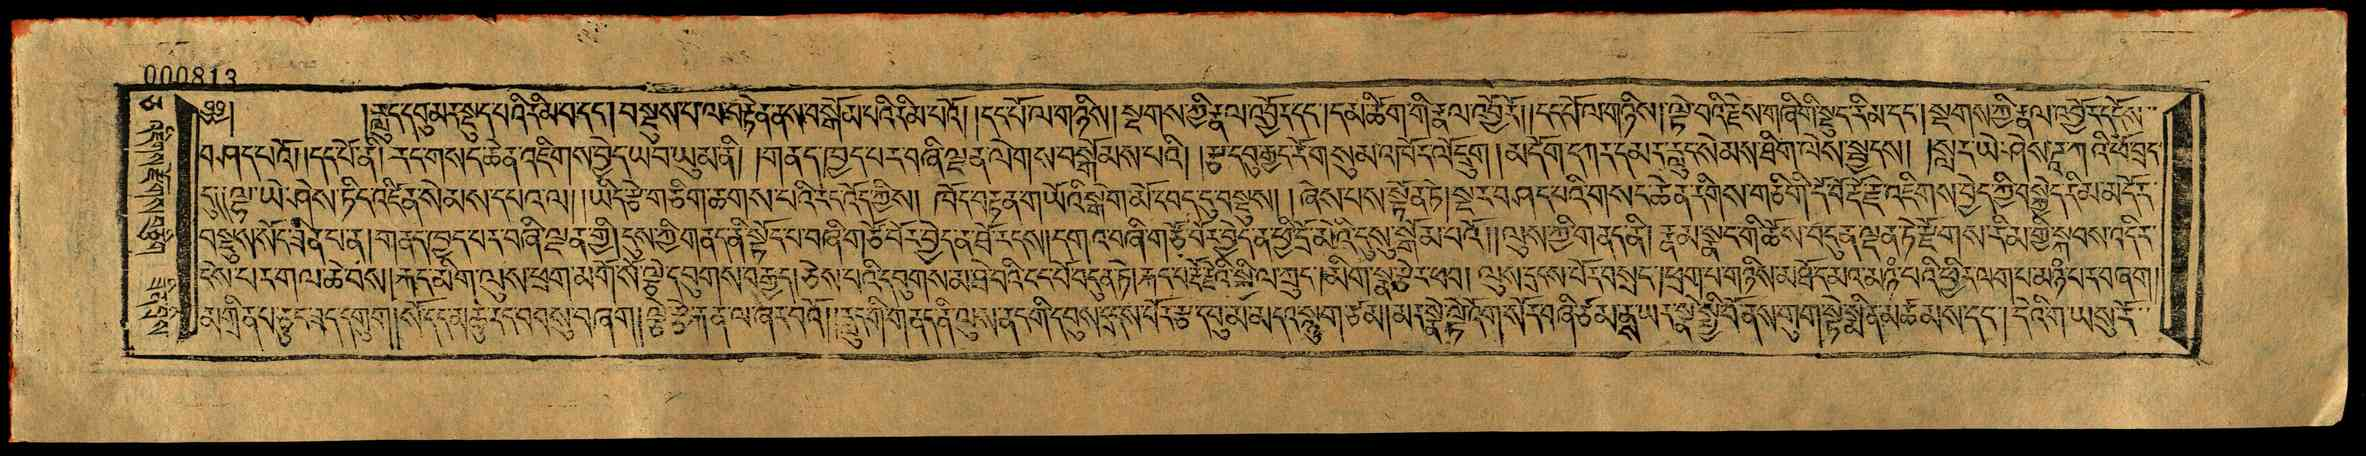༄༅། །རླུང་དབུ་མར་སྡུད་པའི་རིམ་པ་དང་། བསྡུས་པ་ལ་བརྟེན་ནས་བསྒོམ་བའི་རིམ་པའོ། །དང་པོ་ལ་གཉིས། སྔགས་ཀྱི་རྣལ་འབྱོར་དང་། དམ་ཚིག་གི་རྣལ་འབྱོར། །དང་པོ་ལ་གཉིས། ལྟེ་བའི་རྗེས་གཞི་གི་སྡུད་རིམ་དང་། སྔགས་ཀྱི་རྣལ་འབྱོར་དངོས་
བཤད་པའོ། །དང་པོ་ནི། རང་གསང་ཆེན་འཇིགས་བྱེད་ཡབ་ཡུམ་ནི། །གནད་ཁྱད་པར་བཞི་ལྡན་ལེགས་བསྒོམས་པའི། །རྩ་དབུ་རྐྱང་རོ་གསུམ་འཁོར་ལོ་དྲུག །མདོག་དཀར་དམར་རླུང་སེམས་ཐིག་ལེས་སྦྱངས། །སླར་ཡེ་ཤེ་ཌཱ་ཀིའི་ཕོ་བྲང་
དུ༑ ༑ལྷ་ཡེ་ཤེས་ཏིང་འཛིན་སེམས་དཔའ་ལ། །ཡིད་རྩེ་གཅིག་ཆགས་པའི་རང་འོད་ཀྱིས། ཁོང་བརྟན་གཡོའི་སྒེག་མོ་དབང་དུ་བསྡུས། །ཞེས་པས་སྟོན་ཏེ། སྔར་བཤད་པའི་གསང་ཆེན་རིགས་གཅིག་གི་ངོ་བོ་རྡོ་རྗེ་འཇིགས་བྱེད་ཀྱི་བསྐྱེད་རིམ་མདོར་
བསྡུས་སོང་ཟིན་པ་ན། གནད་ཁྱད་པར་བཞི་ལྡན་གྱི། དུས་ཀྱི་གནང་ནི་སྟོང་པ་བཞི་གཙོ་བོར་བྱེད་ན་ཐོ་རངས། དགའ་བཞི་གཙོ་བོར་བྱེད་ན་ཕྱི་དྲོ་མེའི་དུས་སུ་སྒོམ་པའོ། །ལུས་ཀྱི་གནད་ནི། རྣམ་སྣང་གི་ཆོས་བདུན་ལྡན་ཏེ་རྫོགས་རིམ་གྱི་སྐབས་འདིར་
ངེས་པར་གལ་ཆེ་བས། རྐང་མིག་ལུས་ཕྲག་མགོ་སོ་ལྕེ་དབུགས་བརྒྱད། ཅེས་པའི་དབུགས་མ་ཐེ་བའི་དང་པོ་བདུན་ཏེ། རྐང་པ་རྡོ་རྗེའི་སྐྱིལ་ཀྲུང་། མིག་སྣ་རྩེར་ཕ་བ། ལུས་དྲངས་པོར་བསྲང་། ཕྲག་པ་གཉིས་མཐོ་དམའ་མཉཾ་པའི་ཕྱིར་ལག་པ་མཉཾ་པར་བཞག་
མགྲིན་པ་ཅུང་ཟད་དགུག །སོ་དང་མཆུ་རང་བབས་སུ་བཞག །ལྕེ་རྩེ་རྐན་ལ་ཞར་བའོ། །རླུང་གི་གནད་ནི་ལུས་ནང་གི་དབུས་དྲངས་པོར་རྩ་དབུ་མ་མདའ་སྙུག་ཙམ། མར་སྣེ་ལྟེ་འོག་སོར་བཞི་ཙམ་ནས་ཡར་སྣེ་སྤྱི་བོ་ནས་གུག་སྟེ་སྨིན་མཚམས་དང་། དེའི་གཡས་སུ་རོ་